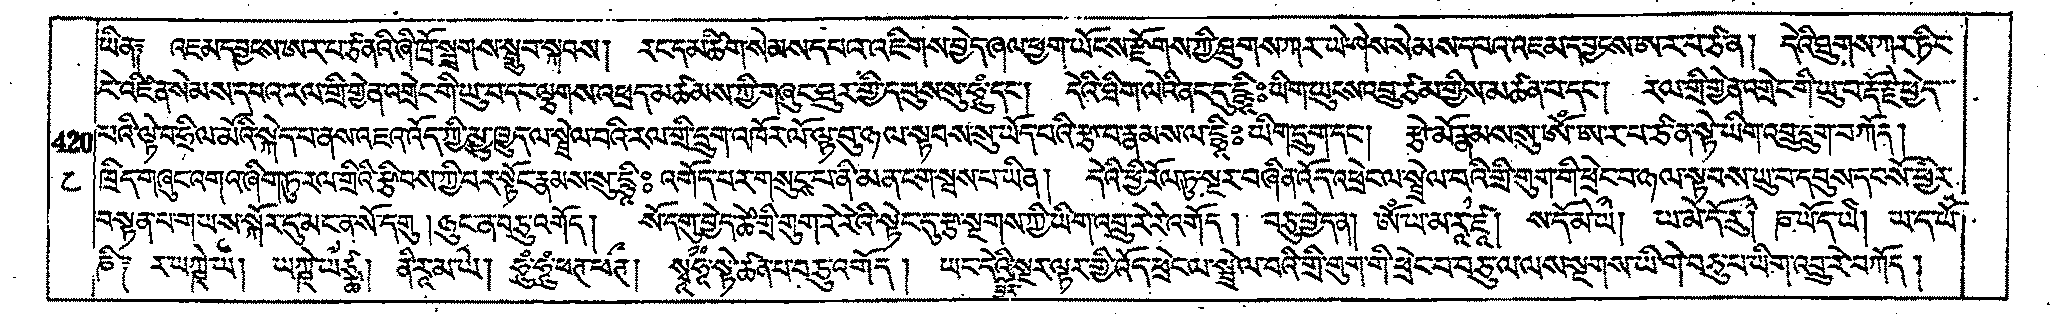ཡིན༑ འཇམ་དབྱངས་ཨ་ར་པ་ཙ་ནའི་ཞི་ཁྲོ་སྦྲགས་སྒྲུབ་སྐབས། རང་དམ་ཚིག་སེམས་དཔའ་འཇིགས་བྱེད་ཞལ་ཕྱག་ཡོངས་རྫོགས་ཀྱི་ཐུགས་ཀར་ཡེ་ཤེས་སེམས་དཔའ་འཇམ་དབྱངས་ཨ་ར་པ་ཙ་ན། དེའི་ཐུགས་ཀར་ཏིང་
ངེ་འཛིན་སེམས་དཔའ་རལ་གྲི་གྱེན་འགྲེང་གི་ཡུ་བ་དང་ལྕགས་འཕྲད་མཚམས་ཀྱི་གཞུང་ཐུར་གྱི་དབུས་སུ་ཧཱུཾ་དང་། དེའི་ཐིག་ལེའི་ནང་དུ་དྷཱིཿཡིག་ཡུངས་འབྲུ་ཙམ་གྱིས་མཚན་པ་དང་། རལ་གྲི་གྱེན་འགྲེང་གི་ཡུ་བ་རྡོ་རྗེ་ཕྱེད་་་
པའི་ལྟེ་བ་ཧྲིལ་མོའི་སྐེད་པ་ནས་འཇའ་འོད་ཀྱི་མྱུ་ཁྱུད་ལ་སྦྲེལ་བའི་རལ་གྲི་དྲུག་འཁོར་ལོ་ལྟ་བུ་ཉལ་སྟབས་སུ་ཡོད་པའི་རྩ་བ་རྣམས་ལ་དྷཱིཿཡིག་དྲུག་དང་། རྩེ་མོ་རྣམས་སུ་ཨོཾ་ཨ་ར་པ་ཙ་ན་སྟེ་ཡིག་འབྲུ་དྲུག་བཀོད།
ཁྲིད་གཞུང་འགའ་ཞིག་ཏུ་རལ་གྲིའི་རྩིབས་ཀྱི་བར་སྟོང་རྣམས་སུ་དྷཱིཿའགོད་པར་གསུངས་པ་ནི་མན་ངག་སྦས་པ་ཡིན། དེའི་ཕྱི་རོལ་ཏུ་སྔར་བཞིན་འོད་འཕྲེང་ལ་སྦྲེལ་བའི་གྲི་གུག་གི་ཕྲེང་བ་ཉལ་སྟབས་ཡུ་བ་དབུས་དང་སོ་ཕྱིར་
བསྟན་པ་གཡས་སྐོར་དུ་མང་ན་སོ་དགུ །ཉུང་ན་བཅུ་འགོད། སོ་དགུ་བྱེད་ཚེ་གྲི་གུག་རེ་རེའི་སྟེང་དུ་རྩ་སྔགས་ཀྱི་ཡིག་འབྲུ་རེ་རེ་འགོད། བཅུ་བྱེད་ན། ཨོཾ་ཡ་མ་རཱ་ཛཱ ༡། ས་དོ་མེ་ཡ ༢། ཡ་མེ་དོ་རུ ༣། ཎ་ཡོད་ཡ ༤། ཡ་ད་ཡོ ༥
ཎི༑ ར་ཡཀྵེ་ཡ ༦། ཡཀྵེ་ཡཙྪ ༧། ནི་རཱ་མ་ཡ ༨། ཧཱུཾ་ཧཱུཾ་ཕཊ་ཕཊ ༩། སྭཱཧཱ ༡༠་སྟེ་ཚན་པ་བཅུ་འགོད། ཡང་དེའི་ཕྱིར་སྔར་ལྟར་གྱི་འོད་ཕྲེང་ལ་སྦྲེལ་བའི་གྲི་གུག་གི་ཕྲེང་བ་བཅུ་ལ་ལས་སྔགས་ཡི་གེ་བཅུ་པ་ཡིག་འབྲུ་རེ་བཀོད།